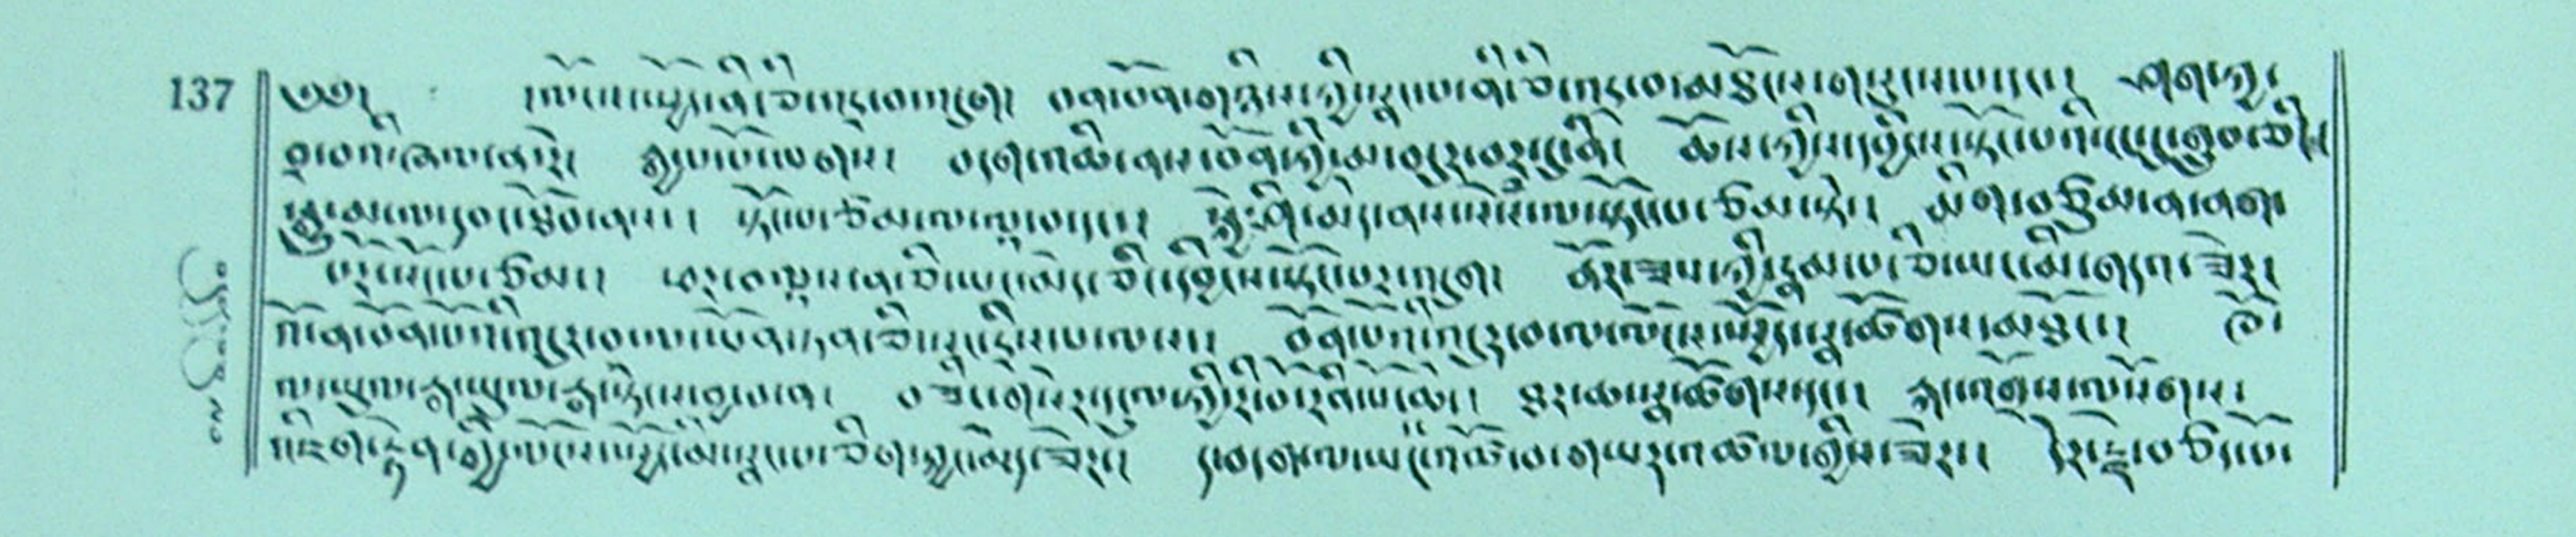༄༅། །ལོངས་སྤྱོད་ནི་ཅི་འདྲ་བ་འདུག བན་བོན་གཉིས་ཀྱི་སྣང་བ་ནི་ཅི་འདྲ་བ་མཐོངས་གསུངས་པ་དང་། ཤག་ཀྱ་
བྲ་བའི་ཞལ་ན་རེ། རྒྱལ་པོ་ལགས། བདག་འཆི་ནས་བོན་ཀྱི་མ་འདུར་བར་དུ་ནི། ཆོས་ཀྱི་དབྱིངས་ཉིད་སྟོང་བའི་ངང་དུ་གྲུབ་ཅིང་
སྒྱུ་མ་དབང་ཐོབ་ནས། སྟོང་པ་ཙམ་ལ་ལྟ་བ་དང་། སྐྱེ་ཤི་མེད་ནས་སེམས་ལ་སྟོང་པ་ཙམ་སྟེ། མིག་བཙུམ་ནས་ནག་
པོར་སོང་བ་ཙམ། ཕར་བལྟས་ན་ཅི་ཡང་མེད་ཅིང་དབྱིངས་སྟོང་པར་འདུག ནོར་ཟས་ཀྱི་རྣམ་པ་ཅི་ཡང་མི་གདའ་ཟེར། 
འོ་ན་བོན་པོའི་འདུར་བ་ལ་ཡོན་ཏན་ཅི་སྣང་དྲིས་པ་ལ། བོན་པོའི་འདུར་བ་ལ་ལོངས་སྤྱོད་སྣ་ཚོགས་མཐོང་། ཁོ་
ལ་ཡུལ་རྒ་ཡུལ་རྒ་སྟེངས་བྱ་བ་ན། བཟང་གསེར་དངུལ་གྱི་རི་བོ་རིན་པོ་ཆེ། ཐར་ཆ་སྣ་ཚོགས་དང་། རྐང་འགྲོས་ལས་སོགས་
འཇིག་རྟེན་ལོངས་སྤྱོད་མི་སྣང་བ་གཅིག་ཀྱང་མེད་ཟེར། ད་བདག་ལ་ཡང་འཚོ་བ་གཡར་འཚལ་གྱིས་ཟེར། དེར་རྗེ་བཙད་པོ་